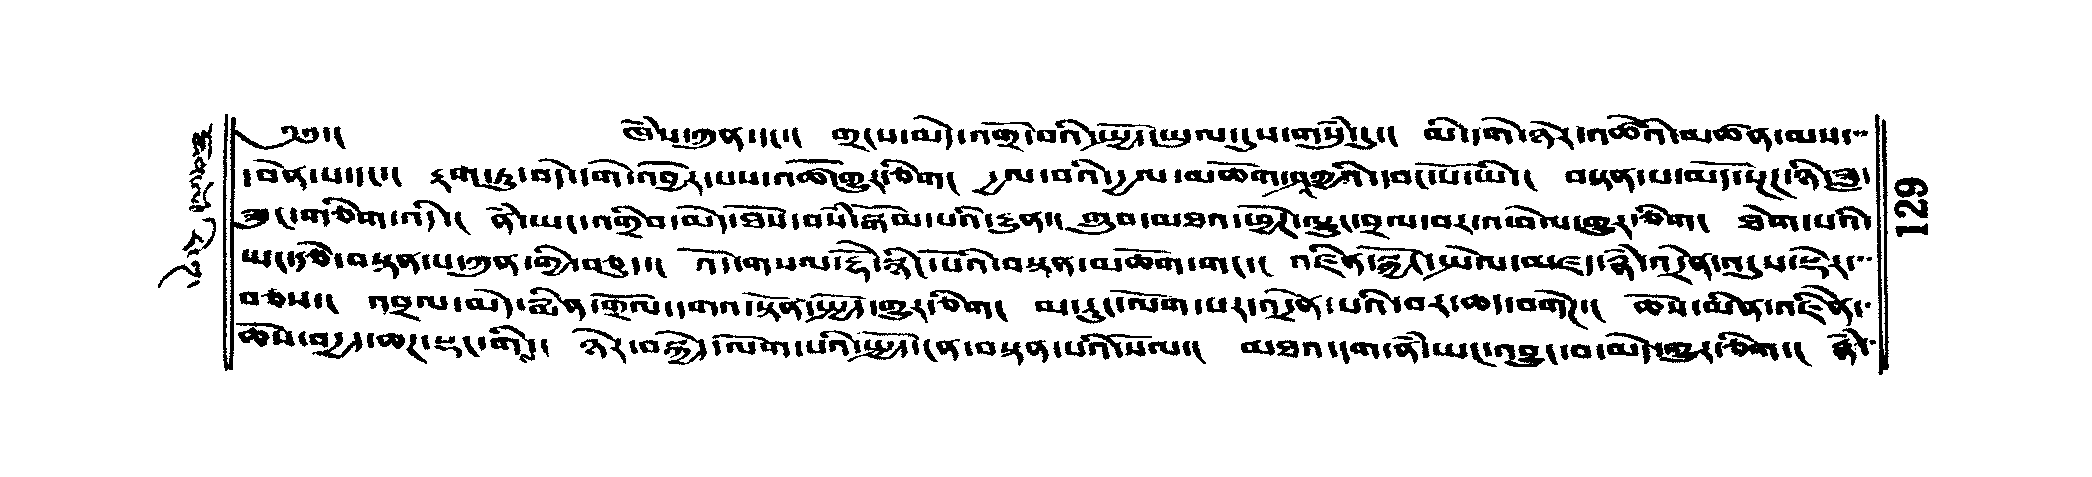ཁམས་ཀུན་དང་། །གྲངས་མེད་འགྲོ་བའི་སྤྱོད་ཡུལ་དུས་གསུམ་དུ། །མི་དགེ་ཉེར་འཚེའི་མཚན་མས་
དབེན་པ་དང་། །རྟག་ཏུ་བདེ་དགེ་འབྱོར་པས་འཚོ་གྱུར་ཅིག །རྒྱལ་བའི་རྒྱལ་མཆོག་ཤཱཀྱའི་དབང་པོ་ཡི། །བསྟན་པ་མདོ་སྔགས་ཉི་ཟླ་
ཟུང་གཅིག་འདི། ནམ་ཡང་འགྲིབ་མེད་ཐོས་བསམ་སྒོམ་པའི་རྒྱུན། །གྲུབ་མཐའ་ཕྱོགས་ལྷུང་བྲལ་བར་འཕེལ་གྱུར་ཅིག །ཐེག་པའི་
ཡང་རྩེ་བསྟན་པ་ཀུན་གྱི་བཅུད། །འོད་གསལ་རྡོ་རྗེ་སྙིང་པོའི་བསྟན་མཆོག་གང་། །འཛིན་སྐྱོང་སྤེལ་མཛད་རྣམ་འདྲེན་འདུས་སྡེར་
བཅས། །འབྲལ་མེད་སྨིན་གྲོལ་དགའ་སྟོན་སྤྱོད་གྱུར་ཅིག །མ་རུང་ལོག་པར་འདྲེན་པའི་བར་ཆད་བགེགས། །ཆོས་མིན་འཇིག་རྟེན་
ཆོས་བརྒྱད་ཆགས་སྡང་གིས། །ཉེར་བསྐྱེད་ལོག་པའི་སྤྱོད་ངན་བསྟན་པའི་སྲོལ། །མཐའ་དག་ནམ་ཡང་འབྱུང་བ་མེད་གྱུར་ཅིག །རྣམ་